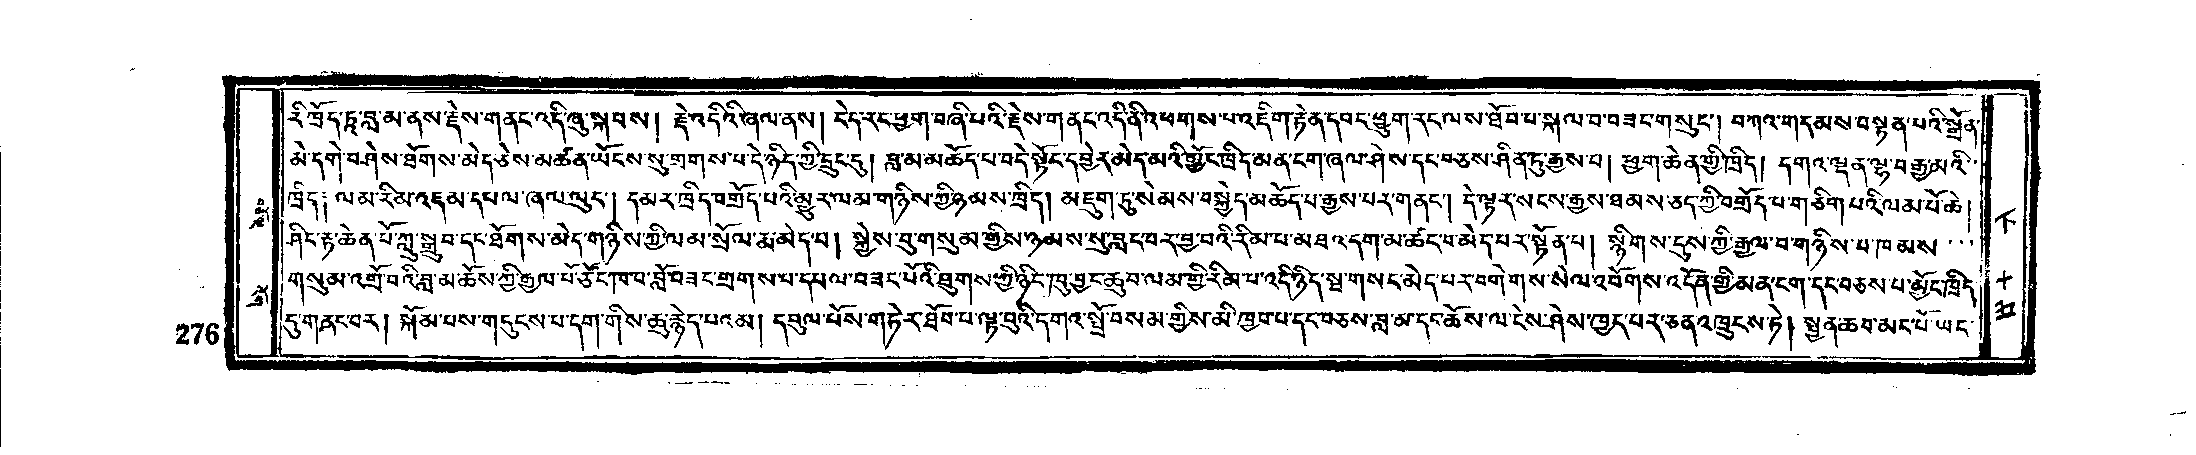རི་ཁྲོད་ཏཱ་བླ་མ་ནས་རྗེས་གནང་འདི་ཞུ་སྐབས། རྗེ་འདིའི་ཞལ་ནས། ངེད་རང་ཕྱག་བཞི་པའི་རྗེས་གནང་འདི་ནི་འཕགས་པ་འཇིག་རྟེན་དབང་ཕྱུག་རང་ལས་ཐོབ་པ་སྐལ་བ་བཟང་གསུང་། བཀའ་གདམས་བསྟན་པའི་སྒྲོན་
མེ་དགེ་བཤེས་ཐོགས་མེད་ཅེས་མཚན་ཡོངས་སུ་གྲགས་པ་དེ་ཉིད་ཀྱི་དྲུང་དུ། བླ་མ་མཆོད་པ་བདེ་སྟོང་དབྱེར་མེད་མའི་མྱོང་ཁྲིད་མན་ངག་ཞལ་ཤེས་དང་བཅས་ཤིན་ཏུ་རྒྱས་པ། ཕྱག་ཆེན་གྱི་ཁྲིད། དགའ་ལྡན་ལྷ་བརྒྱ་མའི་
ཁྲིད༑ ལམ་རིམ་འཇམ་དཔལ་ཞལ་ལུང་། དམར་ཁྲིད་བགྲོད་པའི་མྱུར་ལམ་གཉིས་ཀྱི་ཉམས་ཁྲིད། མཇུག་ཏུ་སེམས་བསྐྱེད་མཆོད་པ་རྒྱས་པར་གནང་། དེ་ལྟར་སངས་རྒྱས་ཐམས་ཅད་ཀྱི་བགྲོད་པ་གཅིག་པའི་ལམ་པོ་ཆེ།
ཤིང་རྟ་ཆེན་པོ་ཀླུ་སྒྲུབ་དང་ཐོགས་མེད་གཉིས་ཀྱི་ལམ་སྲོལ་རྨ་མེད་པ། སྐྱེས་བུ་གསུམ་གྱིས་ཉམས་སུ་བླང་བར་བྱ་བའི་རིམ་པ་མཐའ་དག་མ་ཚང་བ་མེད་པར་སྟོན་པ། སྙིགས་དུས་ཀྱི་རྒྱལ་བ་གཉིས་པ་ཁམས་
གསུམ་འགྲོ་བའི་བླ་མ་ཆོས་ཀྱི་རྒྱལ་པོ་ཙོང་ཁ་བ་བློ་བཟང་གྲགས་པ་དཔལ་བཟང་པོའི་ཐུགས་ཀྱི་ཉིང་ཁུ་བྱང་ཆུབ་ལམ་གྱི་རིམ་པ་འདི་ཉིད་སྤ་གསང་མེད་པར་བགེགས་སེལ་འབོགས་འདོན་གྱི་མན་ངག་དང་བཅས་པ་མྱོང་ཁྲིད་
དུ་གནང་བར། སྐོམ་པས་གདུངས་པ་དག་གིས་ཆུ་རྙེད་པའམ། དབུལ་པོས་གཏེར་ཐོབ་པ་ལྟ་བུའི་དགའ་སྤྲོ་བསམ་གྱིས་མི་ཁྱབ་པ་དང་བཅས་བླ་མ་དང་ཆོས་ལ་ངེས་ཤེས་ཁྱད་པར་ཅན་འཁྲུངས་ཏེ། སྤྱན་ཆབ་མང་པོ་ཡང་